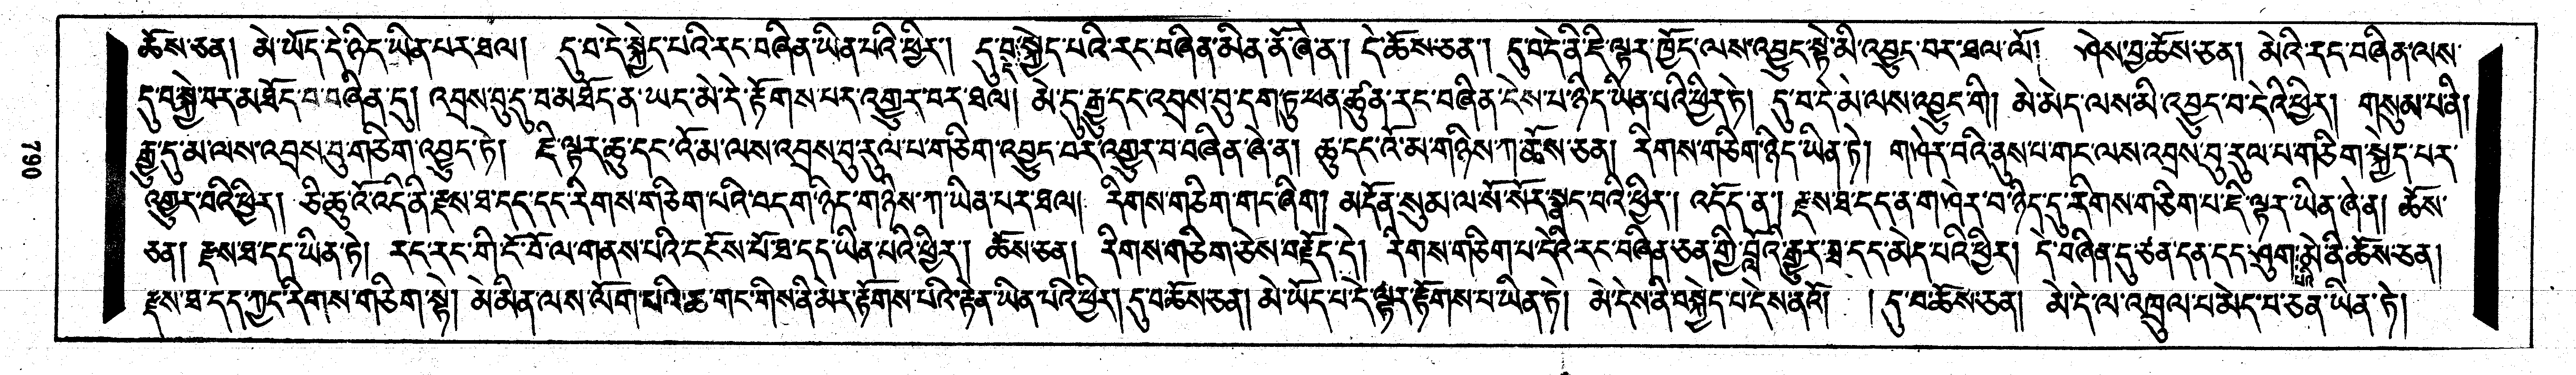ཆོས་ཅན། མེ་ཡོད་དེ་ཉིད་ཡིན་པར་ཐལ། དུ་བ་དེ་སྐྱེད་པའི་རང་བཞིན་ཡིན་པའི་ཕྱིར། དུ་བ་དེ་སྐྱེད་པའི་རང་བཞིན་མིན་ནོ་ཞེ་ན། དེ་ཆོས་ཅན། དུ་བདེ་ནི་ཇི་ལྟར་ཁྱོད་ལས་འབྱུང་སྟེ་མི་འབྱུང་བར་ཐལ་ལོ། ཤེས་བྱ་ཆོས་ཅན། མེའི་རང་བཞིན་ལས་
དུ་བ་སྐྱེ་བར་མཐོད་བ་བཞིན་དུ། འབྲས་བུ་དུ་བ་མཐོད་ན་ཡང་མེད་དེ་རྟོགས་པར་འགྱུར་བར་ཐལ། མེ་དུ་རྒྱུ་དང་འབྲས་བུ་དག་ཏུ་ཕན་ཚུན་རང་བཞིན་ངེས་པ་ཉིད་ཡིན་པའི་ཕྱིར་ཏེ། དུ་བ་དེ་མེ་ལས་འབྱུང་གི། མེ་མེད་ལས་མི་འབྱུང་བ་དེའི་ཕྱིར། གསུམ་པ་ནི།
རྒྱུ་དུ་མ་ལས་འབྲས་བུ་གཅིག་འབྱུང་ཏེ། ཇི་ལྟར་ཆུ་དང་འོ་མ་ལས་འབྲས་བུ་རུལ་པ་གཅིག་འབྱུང་བར་འགྱུར་བ་བཞིན་ཞེ་ན། ཆུ་དང་འོ་མ་གཉིས་ཀ་ཆོས་ཅན། རིགས་གཅིག་ཉིད་ཡིན་ཏེ། གཤེར་བའི་ནུས་པ་གང་ལས་འབྲས་བུ་རུལ་པ་གཅིག་སྐྱེད་པར་
འགྱུར་བའི་ཕྱིར། ཅི་ཆུ་འོ་འདི་ནི་རྫས་ཐ་དད་དང་རིགས་གཅིག་པའི་བདག་ཉིད་གཉིས་ཀ་ཡིན་པར་ཐལ། རིགས་གཅིག་གང་ཞིག། མངོན་སུམ་ལ་སོ་སོར་སྣང་བའི་ཕྱིར། འདོད་ན། རྫས་ཐ་དད་ན་གཤེར་བ་ཉིད་དུ་རིགས་གཅིག་པ་ཇི་ལྟར་ཡིན་ཞེ་ན། ཆོས་
ཅན། རྫས་ཐ་དད་ཡིན་ཏེ། རང་རང་གི་ངོ་བོ་ལ་གནས་པའི་དངོས་པོ་ཐ་དད་ཡིན་པའི་ཕྱིར། ཆོས་ཅན། རིགས་གཅིག་ཅེས་བརྗོད་དེ། རིགས་གཅིག་པ་དེའི་རང་བཞིན་ཅན་གྱི་བློའི་རྒྱུར་ཐ་དད་མེད་པའི་ཕྱིར། དེ་བཞིན་དུ་ཙན་དན་དད་ཤུག་པའི་མེ་ནི་ཆོས་ཅན།
རྫས་ཐ་དད་ཀྱང་རིགས་གཅིག་སྟེ། མེ་མིན་ལས་ལོག་པའི་ཆ་གང་གིས་ནི་མེར་རྟོགས་པའི་རྟེན་ཡིན་པའི་ཕྱིར། དུ་བ་ཆོས་ཅན། མེ་ཡོད་པ་དེ་ལྟར་རྟོགས་པ་ཡིན་ཏེ། མེ་དེས་ནི་བསྐྱེད་པ་དེས་ནའོ། །དུ་བ་ཆོས་ཅན། མེ་དེ་ལ་འཁྲུལ་པ་མེད་པ་ཅན་ཡིན་ཏེ།